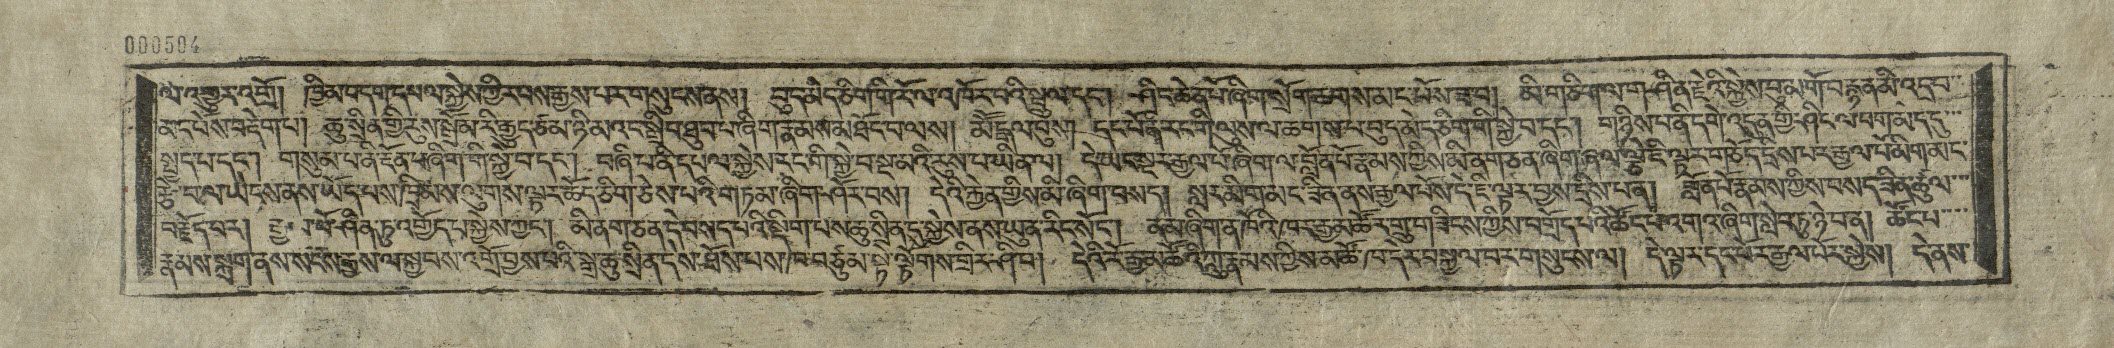ལ་འགྱུར་འགྲོ། ཁྱིམ་བདག་དཔལ་སྐྱེས་ཀྱི་རབས་རྒྱས་པར་གསུངས་ནས། བུད་མེད་ཅིག་གི་རོ་ལ་འཁོར་བའི་སྦྲུལ་དང་། ཤིང་ཆེན་པོ་ཞིག་སྲོག་ཆགས་མང་པོས་ཟ་བ། མི་གཅིག་ལ་གཤིན་རྗེའི་སྐྱེས་བུ་མགོ་བརྙན་མི་འདྲ་བ་
མང་པོས་བརྡེག་པ། ཆུ་སྲིན་གྱི་རུས་སྒྲོམ་རི་རྒྱུད་ཙམ་ཉི་མའང་སྒྲིབ་ཐུབ་པ་ཞིག་རྣམས་མཐོང་བ་ལས། {མཽངྒལ}་བུས། དང་པོ་ནི་རང་གི་ལུས་ལ་ཆགས་པ་བུད་མེད་ཅིག་གི་སྐྱེ་བ་དང་། གཉིས་པ་ནི་དགེ་འདུན་གྱི་ཤིང་ལ་བག་མེད་དུ་
སྤྱད་པ་དང་། གསུམ་པ་ནི་རྔོན་པ་ཞིག་གི་སྐྱེ་བ་དང་། བཞི་པ་ནི་དཔལ་སྐྱེས་རང་གི་སྐྱེ་བ་སྔ་མའི་རུས་པ་ཡིན་ལ། དེ་ཡང་སྔར་རྒྱལ་པོ་ཞིག་ལ་བློན་པོ་རྣམས་ཀྱིས་མི་ནག་ཅན་ཞིག་ཞལ་ལྕེ་ཇི་ལྟར་གཅོད་དྲིས་པར་རྒྱལ་པོ་མིག་མང་
རྩེ་བ་ལ་ཡེངས་ནས་ཡོད་པས་ཁྲིམས་ལུགས་ལྟར་ཆོད་ཅིག་ཅེས་པའི་གཏམ་ཞིག་ཤོར་བས། དེའི་རྐྱེན་གྱིས་མི་ཞིག་བསད། སླར་མིག་མང་ཟིན་ནས་རྒྱལ་པོས་དེ་ཇི་ལྟར་བྱས་དྲིས་པ་ན། བློན་པོ་རྣམས་ཀྱིས་བསད་ཟིན་ཚུལ་
བརྗོད་པར། རྒྱལ་པོ་ཤིན་ཏུ་འགྱོད་པ་སྐྱེས་ཀྱང་། མི་ནག་ཅན་དེ་བསད་པའི་སྡིག་པས་ཆུ་སྲིན་དུ་སྐྱེས་ནས་ཡུན་རིང་སོང་། ནམ་ཞིག་ན་ཁོའི་ཁར་རྒྱ་མཚོར་གྲུ་གཟིངས་ཀྱིས་བགྲོད་པའི་ཚོང་པ་འགའ་ཞིག་སླེབ་ཏུ་ཉེ་བ་ན། ཚོང་པ་
རྣམས་སྐྲག་ནས་སངས་རྒྱས་ལ་སྐྱབས་འགྲོ་བྱས་པའི་སྒྲ་ཆུ་སྲིན་དེས་ཐོས་པས་ཁ་བཙུམ་སྟེ་ལྟོགས་གྲིར་ཤི་བ། དེའི་རོ་རྒྱ་མཚོའི་ཀླུ་རྣམས་ཀྱིས་མཚོ་ཁ་དེར་བསྐྱལ་བར་གསུངས་ལ། དེ་ལྟར་དང་པོར་རྒྱལ་པོར་སྐྱེས། དེ་ནས་